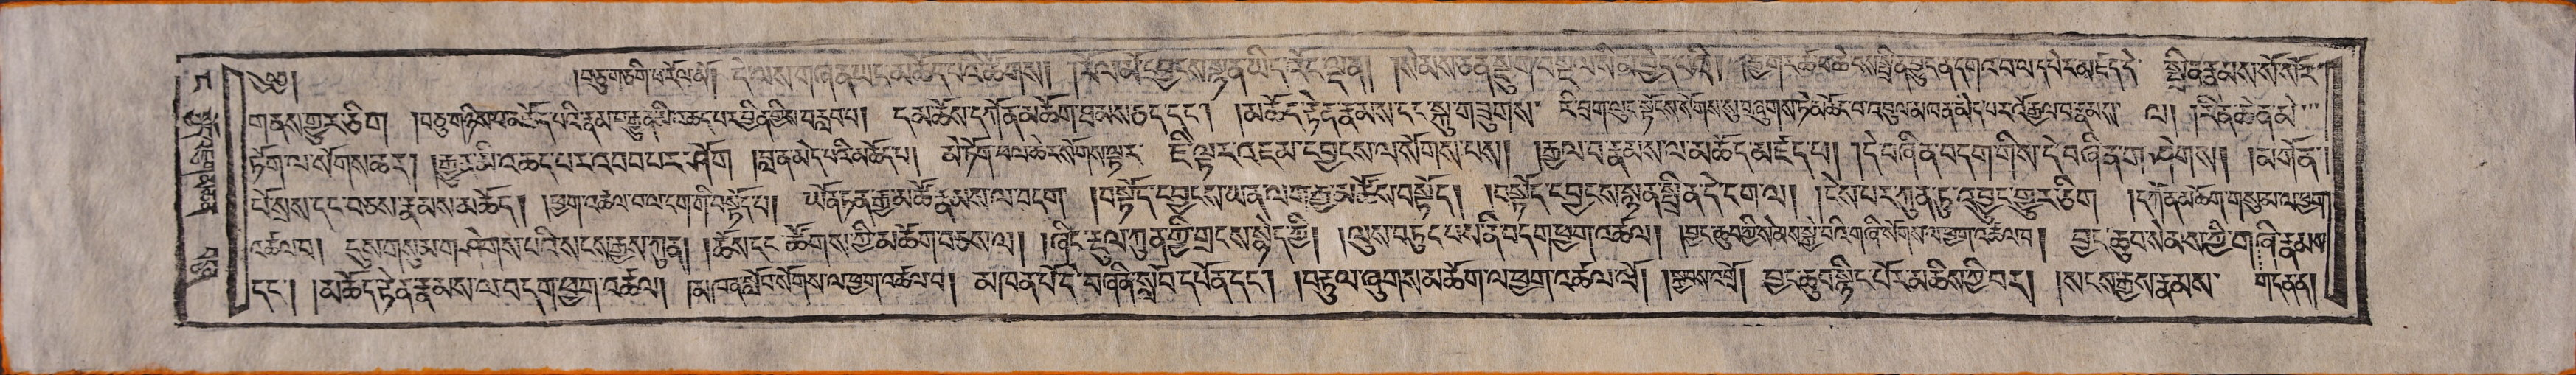༄༅། །བཅུ་གཅིག་པ་རོལ་མོ། །དེ་ལས་གཞན་ཡང་མཆོད་པའི་ཚོགས། །རོལ་མོ་དབྱངས་སྙན་ཡིད་འོང་ལྡན། །སེམས་ཅན་སྡུག་བསྔལ་སེམས་བྱེད་པའི། །རྒྱ་གར་ཚ་བ་ཆེ་བས་སྤྲིན་བྱུང་ན་དགའ་བ་ལ་དཔེར་མཛད་དེ་སྤྲིན་རྣམས་སོ་སོར་
གནས་གྱུར་ཅིག་།བཅུ་གཉིས་པ་མཆོད་པའི་རྣམ་བརྒྱུན་མིན་འཆད་པར་བྱིན་གྱིས་བརླབ་པ།  དམ་ཆོས་དཀོན་མཆོག་ཐམས་ཅད་དང་། །མཆོད་རྟེན་རྣམས་དང་སྐུ་གཟུགས། རི་བྲག་ལུང་སྟོགས་སོགས་སུ་བཞུགས་ཏེ་མཆོད་པ་འབུལ་མཁན་མེད་པར་འོ་རྒྱལ་བ་རྣམས་ལ། །རིན་ཆེན་མེ་
ཏོག་ལ་སོགས་ཆར། །རྒྱུ་ན་མི་འཆད་པར་འབབ་པར་ཤོག་།བླ་ན་མེད་པའི་མཆོད་པ། མེ་ཏོག་ཕལ་ཆེར་སོགས་ལྟར་ཇི་ལྟར་འཇམ་དབྱངས་ལ་སོགས་པས། །རྒྱལ་བ་རྣམས་ལ་མཆོད་མཛད་པ། །དེ་བཞིན་བདག་གིས་དེ་བཞིན་གཤེགས། །མགོན་
པོ་སྲས་དང་བཅས་རྣམས་མཆོད། །ཕྱག་འཚལ་བ་ལ་ངག་གི་བསྟོད་པ།  ཡོན་ཏན་རྒྱ་མཚོ་རྣམས་ལ་བདག །བསྟོད་དབྱངས་ཡན་ལག་རྒྱ་མཚོས་བསྟོད། །བསྟོད་དབྱངས་སྙན་སྤྲིན་དེ་དག་ལ། །ངེས་པར་ཀུན་ཏུ་འབྱུང་གྱུར་ཅིག །དཀོན་མཆོག་གསུམ་ལ་ཕྱག་
འཚལ་བ། དུས་གསུམ་གཤེགས་པའི་སངས་རྒྱས་ཀུན། །ཆོས་དང་ཚོགས་ཀྱིས་མཆོག་བཅས་ལ། །ཞིང་རྡུལ་ཀུན་གྱི་གྲངས་སྙེད་ཀྱི། །ལུས་བཏུད་པས་ནི་བདག་ཕྱག་འཚལ། །བྱང་ཆུབ་ཀྱི་སེམས་སྐྱེ་བའི་གཞི་སོགས་ལ་ཕྱག་འཚལ་བ།  བྱང་ཆུབ་སེམས་ཀྱི་གཞི་གདན་ན།  གཞི་རྣམས་
དང་། །མཆོད་རྟེན་རྣམས་ལ་བདག་ཕྱག་འཚལ། མཁན་སློབ་སོགས་ལ་ཕྱག་འཚལ་བ།  མཁན་པོ་དེ་བཞིན་སློབ་དཔོན་དང་། །བརྟུལ་ཞུགས་མཆོ་ག་ལ་ཕྱག་འཚལ་ལོ། །སྐྱབས་འགྲོ། བྱང་ཆུབ་སྙིང་པོར་མཆིས་ཀྱི་བར། །སངས་རྒྱས་རྣམས་